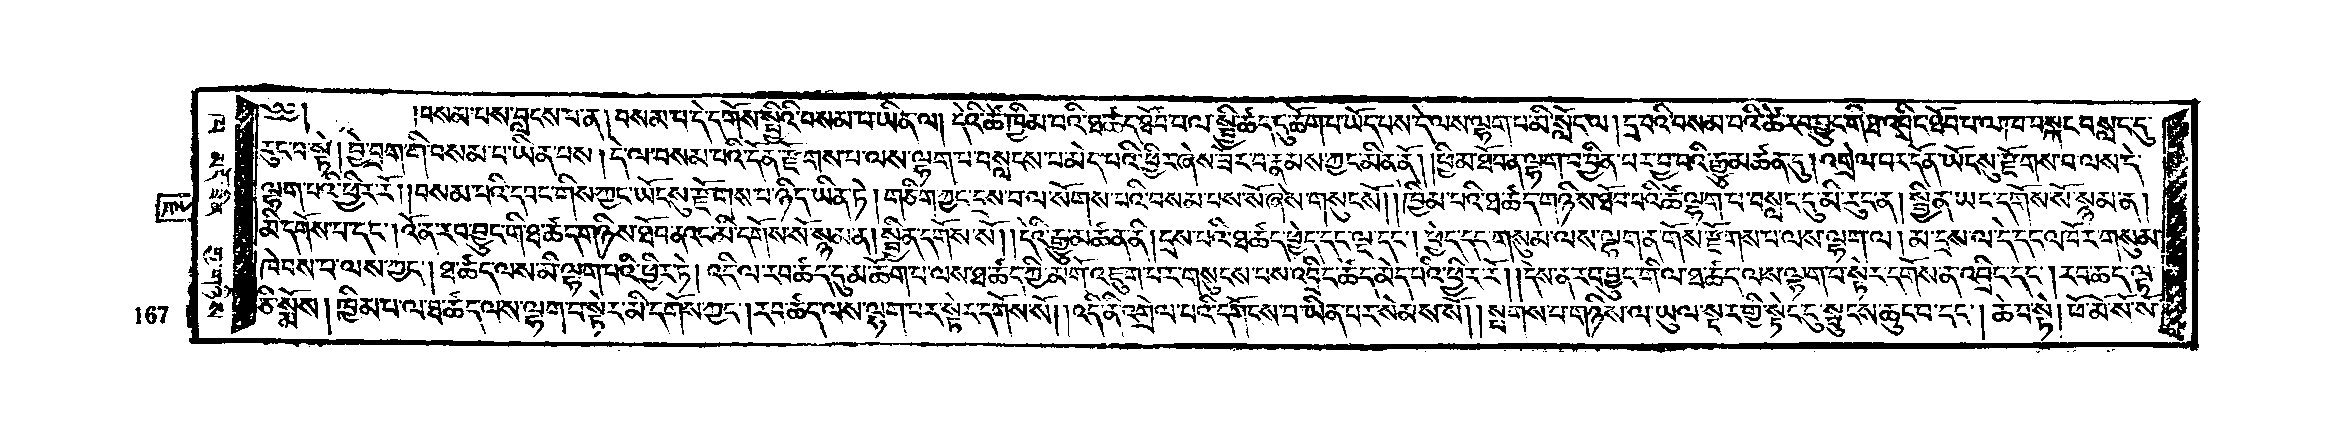༄༅། །བསམ་པས་བླངས་པ་ན། བསམ་པ་དེ་དགོས་སྤྱིའི་བསམ་པ་ཡིན་ལ། དེའི་ཚེ་ཁྱིམ་པའི་ཐ་ཚད་ཐོབ་པ་ལ་སྤྱི་ཚད་དུ་ཆོག་པ་ཡོད་པས་དེ་ལས་ལྷག་པ་མི་སློང་ལ། དྲ་བའི་བསམ་པའི་ཚེ་རབ་བྱུང་གི་ཐ་འབྲིང་ཐོབ་པ་ལ་ཁ་བསྐང་བསླང་དུ་
རུང་བ་སྟེ། བྱེ་བྲག་གི་བསམ་པ་ཡིན་པས། དེ་ལ་བསམ་པའི་དོན་རྫོགས་པ་ལས་ལྷག་པ་བསླངས་པ་མེད་པའི་ཕྱིར་ཞེས་ཟེར་བ་རྣམས་ཀྱང་མིན་ནོ། །ཕྱི་མ་ཐོབ་ན་ལྷག་པ་བྱིན་པར་བྱ་བའི་རྒྱུ་མཚན་དུ། འགྲེལ་པར་དོན་ཡོངས་སུ་རྫོགས་པ་ལས་དེ་
ལྷག་པའི་ཕྱིར་རོ། །བསམ་པའི་དབང་གིས་ཀྱང་ཡོངས་སུ་རྫོགས་པ་ཉིད་ཡིན་ཏེ། གཅིག་ཀྱང་དྲས་པ་ལ་སོགས་པའི་བསམ་པས་སོ་ཞེས་གསུངས་སོ། །ཁྱིམ་པའི་ཐ་ཚད་གཉིས་ཐོབ་པའི་ཚེ་ལྷག་པ་བསླང་དུ་མི་རུང་ན། སྦྱིན་ཡང་དགོས་སོ་སྙམ་ན།
མི་དགོས་པ་དང་། འོ་ན་རབ་བྱུང་གི་ཐ་ཚད་གཉིས་ཐོབ་ནའང་མི་དགོས་སོ་སྙམ་ན། སྦྱིན་དགོས་སོ། །དེའི་རྒྱུ་མཚན་ནི། དྲས་པའི་ཐ་ཚད་ཕྱེད་དང་ལྔ་དང་། ཕྱེད་དང་གསུམ་ལས་ལྷག་ན་གོས་རྫོགས་པ་ལས་ལྷག་ལ། མ་དྲས་ལ་དེ་དང་འཁོར་གསུམ་
ཁེབས་པ་ལས་ཀྱང་། ཐ་ཚད་ལས་མི་ལྷག་པའི་ཕྱིར་ཏེ། འདི་ལ་རབ་ཚད་དུ་མ་ཆོག་པ་ལས་ཐ་ཚད་ཀྱི་མགོ་འཇུག་པར་གསུངས་པས་འབྲིང་ཚད་མེད་པའི་ཕྱིར་རོ། །དེས་ན་རབ་བྱུང་གི་ལ་ཐ་ཚད་ལས་ལྷག་པ་སྟེར་དགོས་ན་འབྲིང་དང་། རབ་ཆད་ལྟ་
ཅི་སྨོས། ཁྱིམ་པ་ལ་ཐ་ཚད་ལས་ལྷག་པ་སྟེར་མི་དགོས་ཀྱང་། རབ་ཚད་ལས་ལྷག་པར་སྟེར་དགོས་སོ། །འདི་ནི་འགྲེལ་པའི་དགོངས་པ་ཡིན་པར་སེམས་སོ། །སྤགས་པ་གཉིས་ལ་ཡུལ་སྔར་གྱི་སྟེང་དུ་སྤུངས་ཆུང་བ་དང་། ཆེ་བ་སྟེ། ཕོ་མོ་སོ་སོ་